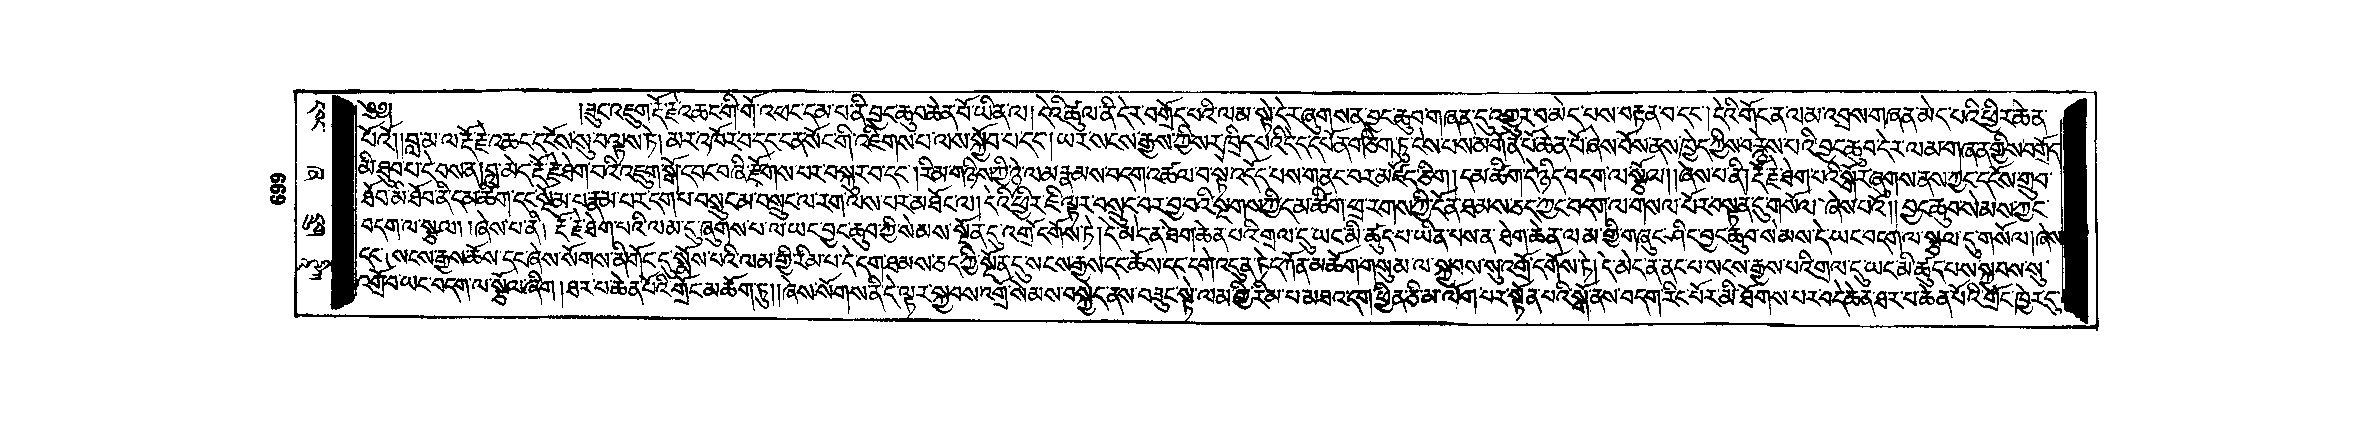༄༅། །ཟུང་འཇུག་རྡོ་རྗེ་འཆང་གི་གོ་འཕང་དམ་པ་ནི་བྱང་ཆུབ་ཆེན་པོ་ཡིན་ལ། དེའི་ཚུལ་ནི་དེར་བགྲོད་པའི་ལམ་སྟེ་དེར་ཞུགས་ན་བྱང་ཆུབ་གཞན་དུ་འགྱུར་བ་མེད་པས་བརྟན་པ་དང་། དེའི་གོང་ན་ལམ་འབྲས་གཞན་མེད་པའི་ཕྱིར་ཆེན་
པོའོ། །བླ་མ་ལ་རྡོ་རྗེ་འཆང་དངོས་སུ་བལྟས་ཏེ། མར་འཁོར་བ་དང་ངན་སོང་གི་འཇིགས་པ་ལས་སྐྱོབ་པ་དང་། ཡར་སངས་རྒྱས་ཀྱི་སར་ཁྲིད་པའི་དེད་དཔོན་གཅིག་ཏུ་ངེས་པས་མགོན་པོ་ཆེན་པོ་ཞེས་བོས་ནས་ཁྱེད་ཀྱིས་བརྙེས་པའི་བྱང་ཆུབ་དེར་ལམ་གཞན་གྱིས་བགྲོད་
མི་ཐུབ་པ་དེ་བས་ན། བླ་མེད་རྡོ་རྗེ་ཐེག་པའི་འཇུག་སྒོ་དབང་བཞི་རྫོགས་པར་བསྐུར་བ་དང་། རིམ་གཉིས་ཀྱི་ཉེ་ལམ་རྣམས་བདག་འཚལ་བ་སྟ་འདོད་པས་གནང་བར་མཛོད་ཅིག །དམ་ཚིག་དེ་ཉིད་བདག་ལ་སྩོལ། །ཞེས་པ་ནི། རྡོ་རྗེ་ཐེག་པའི་སྒོར་ཞུགས་ནས་ཀྱང་དངོས་གྲུབ་
ཐོབ་མི་ཐོབ་ནི་དམ་ཚིག་དང་སྡོམ་པ་རྣམ་པར་དག་པ་བསྲུང་མ་བསྲུང་ལ་རག་ལས་པར་མཐོང་ལ། དེའི་ཕྱིར་ཇི་ལྟར་བསྲུང་བར་བྱ་བའི་སྔགས་ཀྱི་དམ་ཚིག་ཕྲ་རགས་ཀྱི་དོན་ཐམས་ཅད་ཀྱང་བདག་ལ་གསལ་པོར་བསྟན་དུ་གསོལ་ཞེས་པའོ། །བྱང་ཆུབ་སེམས་ཀྱང་
བདག་ལ་སྩལ། །ཞེས་པ་ནི། རྡོ་རྗེ་ཐེག་པའི་ལམ་དུ་ཞུགས་པ་ལ་ཡང་བྱང་ཆུབ་ཀྱི་སེམས་སྔོན་དུ་འགྲོ་དགོས་ཏེ། དེ་མེད་ན་ཐེག་ཆེན་པའི་གྲལ་དུ་ཡང་མི་ཚུད་པ་ཡིན་པས་ན་ཐེག་ཆེན་ལམ་གྱི་གཞུང་ཤིང་བྱང་ཆུབ་སེམས་དེ་ཡང་བདག་ལ་སྩལ་དུ་གསོལ། །ཞེས་
དང་། སངས་རྒྱས་ཆོས་དང་ཞེས་སོགས་ནི་གོང་དུ་སྨོས་པའི་ལམ་གྱི་རིམ་པ་དེ་དག་ཐམས་ཅད་ཀྱི་སྔོན་དུ་སངས་རྒྱས་དང་ཆོས་དང་དགེ་འདུན་ཏེ་དཀོན་མཆོག་གསུམ་ལ་སྐྱབས་སུ་འགྲོ་དགོས་ཏེ། དེ་མེད་ན་ནང་པ་སངས་རྒྱས་པའི་གྲལ་དུ་ཡང་མི་ཚུད་པས་སྐྱབས་སུ་
འགྲོ་བ་ཡང་བདག་ལ་སྩོལ་ཞིག །ཐར་པ་ཆེན་པོའི་གྲོང་མཆོག་ཏུ། །ཞེས་སོགས་ནི་དེ་ལྟར་སྐྱབས་འགྲོ་སེམས་བསྐྱེད་ནས་བཟུང་སྟེ་ལམ་གྱི་རིམ་པ་མཐའ་དག་ཕྱིན་ཅི་མ་ལོག་པར་སྟོན་པའི་སྒོ་ནས་བདག་རིང་པོར་མི་ཐོགས་པར་བདེ་ཆེན་ཐར་པ་ཆེན་པོའི་གྲོང་ཁྱེར་དུ་